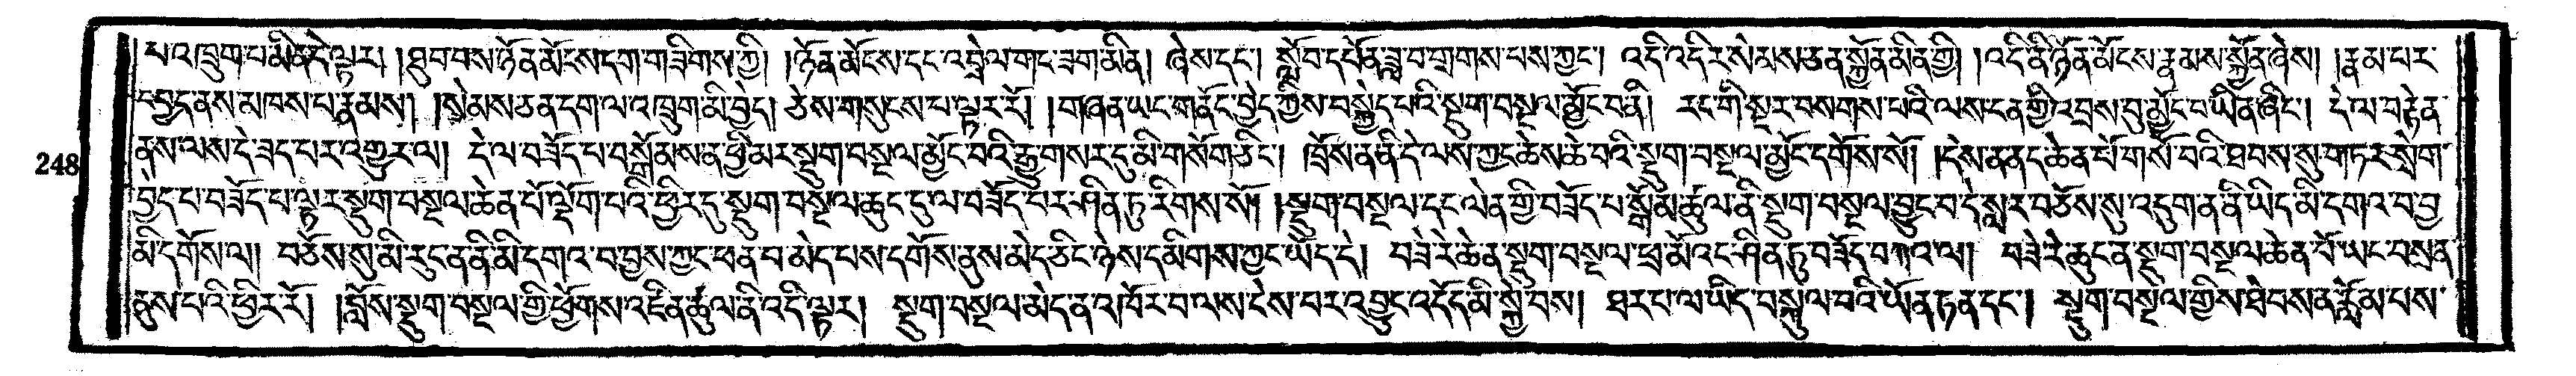པ་འཁྲུག་པ་མིན་དེ་ལྟར། །ཐུབ་བས་ཉོན་མོངས་དག་གཟིགས་ཀྱི། །ཉོན་མོངས་དང་འབྲེལ་གང་ཟག་མིན། ཞེས་དང་། སློབ་དཔོན་ཟླ་བ་གྲགས་པས་ཀྱང་། འདི་འདིར་སེམས་ཅན་སྐྱོན་མིན་གྱི། །འདི་ནི་ཉོན་མོངས་རྣམས་སྐྱོན་ཞེས། །རྣམ་པར་
དབྱད་ནས་མཁས་པ་རྣམས། །སེམས་ཅན་དག་ལ་འཁྲུག་མི་བྱེད། ཅེས་གསུངས་པ་ལྟར་རོ། །གཞན་ཡང་གནོད་བྱེད་ཀྱིས་བསྐྱེད་པའི་སྡུག་བསྔལ་མྱོང་བ་ནི། རང་གི་སྔར་བསགས་པའི་ལས་ངན་གྱི་འབྲས་བུ་མྱོང་བ་ཡིན་ཞིང་། དེ་ལ་བརྟེན་
ནས་ལས་དེ་ཟད་པར་འགྱུར་ལ། དེ་ལ་བཟོད་པ་བསྒོམས་ན་ཕྱི་མར་སྡུག་བསྔལ་མྱོང་བའི་རྒྱུ་གསར་དུ་མི་གསོག་ཅིང་། ཁྲོས་ན་ནི་དེ་ལས་ཀྱང་ཆེས་ཆེ་བའི་སྡུག་བསྔལ་མྱོང་དགོས་སོ། །དེས་ན་ནད་ཆེན་པོ་གསོ་བའི་ཐབས་སུ་གཏར་སྲེག་
བྱེད་པ་བཟོད་པ་ལྟར་སྡུག་བསྔལ་ཆེན་པོ་ལྡོག་པའི་ཕྱིར་དུ་སྡུག་བསྔལ་ཆུང་དུ་ལ་བཟོད་པར་ཤིན་ཏུ་རིགས་སོ། །སྡུག་བསྔལ་དང་ལེན་གྱི་བཟོད་པ་སྒོམ་ཚུལ་ནི་སྡུག་བསྔལ་བྱུང་བ་དེ་སླར་བཅོས་སུ་འདུག་ན་ནི་ཡིད་མི་དགའ་པ་བྱ་
མི་དགོས་ལ། བཅོས་སུ་མི་རུང་ན་ནི་མི་དགའ་བ་བྱས་ཀྱང་ཕན་བ་མེད་པས་དགོས་ནུས་མེད་ཅིང་ཉེས་དམིགས་ཀྱང་ཡོད་དེ། བཟེ་རེ་ཆེན་སྡུག་བསྔལ་ཕྲ་མོའང་ཤིན་ཏུ་བཟོད་བཀའ་ལ། བཟེ་རེ་ཆུང་ན་སྡུག་བསྔལ་ཆེན་པོ་ཡང་བསྲན་
ནུས་པའི་ཕྱིར་རོ། །བློས་སྡུག་བསྔལ་གྱི་ཕྱོགས་འཛིན་ཚུལ་ནི་འདི་ལྟར། སྡུག་བསྔལ་མེད་ན་འཁོར་བ་ལས་ངེས་པར་འབྱུང་འདོད་མི་སྐྱེ་བས། ཐར་པ་ལ་ཡིད་བསྐུལ་བའི་ཡོན་ཏན་དང་། སྡུག་བསྔལ་གྱིས་ཐེབས་ན་རློམ་པས་